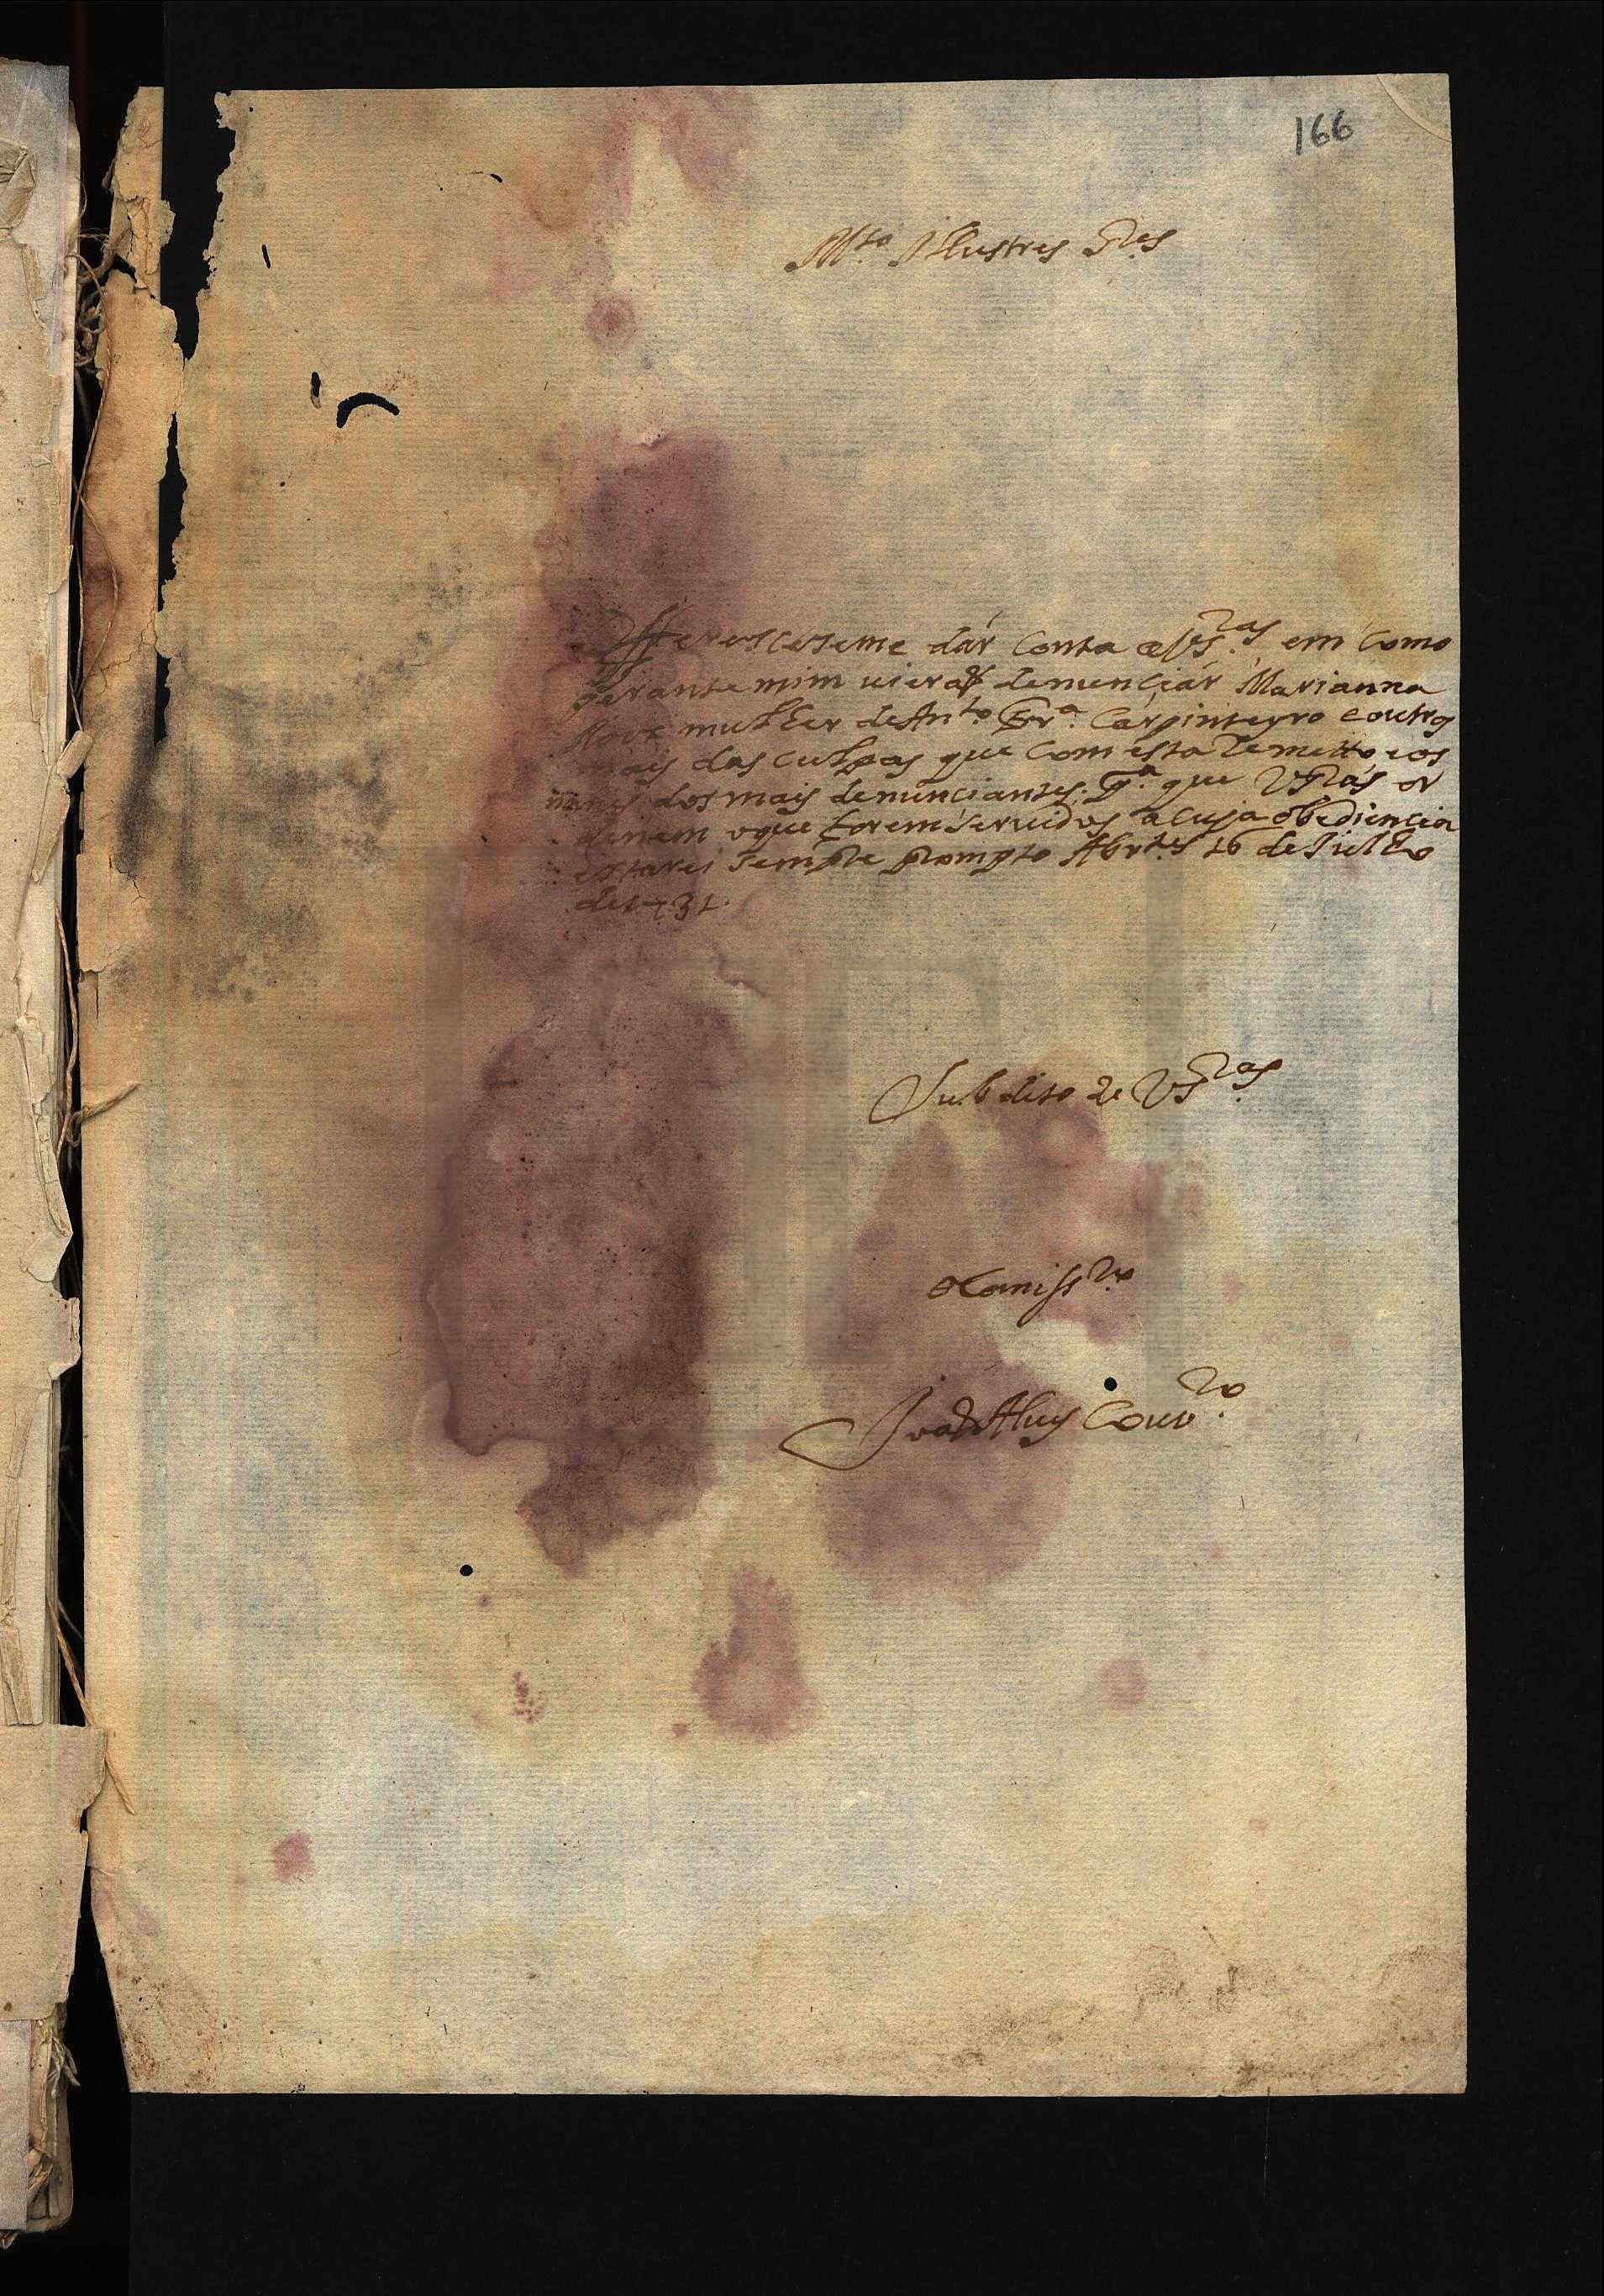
M.to Illustres S.res
Offeresceseme dár conta a Vs.ras em como
perante mim uieraõ denunçiar Marianna
Roiz mulher de An.to Fr.a Carpinteyro e outros
ais das culpas que com esta Remetto, e os
nomes dos mais denunciantes. p.a que VSras or
denem o que forem seruidos a cuja obediencia
estarei sempRe pRompto Abr.tes 16 de Iulho
de 1731.
Subdito de V sRas.
o ComissR.o
Joaõ Alues Couv.Ro
